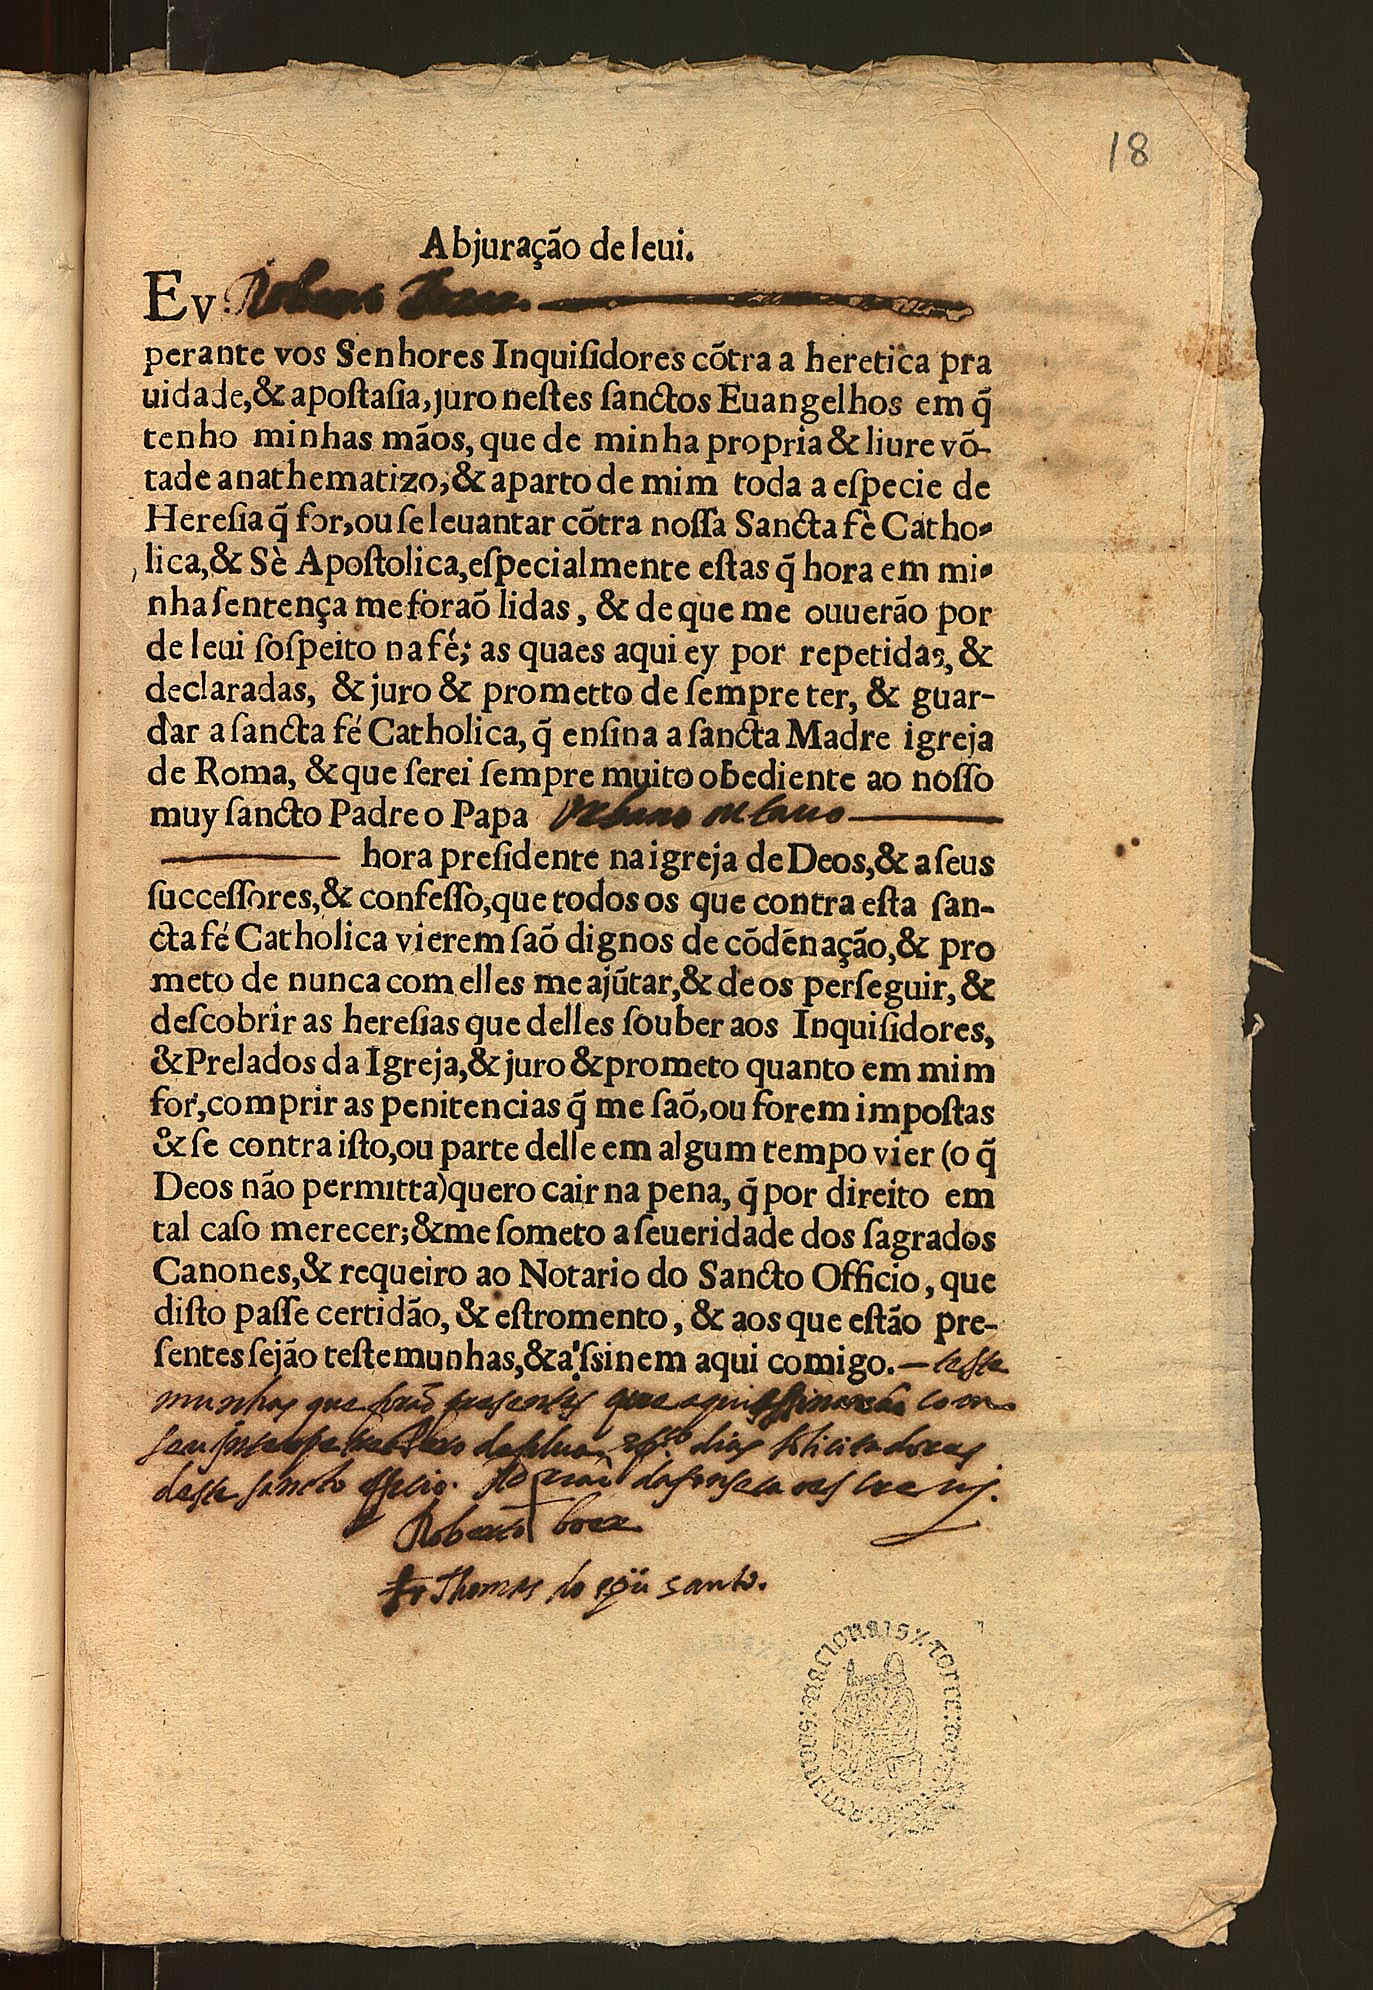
Abjuração de leui.
EV. Roberto Boier
perante vos Senhores Inquisidores cōtra a heretica pra
uidade, & apostasia, juro nestes sanctos Euangelhos em q̄
tenho minhas mãos, que de minha propria & liure vō
tade anathematizo, & aparto de mim toda a especie de
Heresia q̄ for, ou se leuantar cōtra nossa Sancta fè Catho
lica, & Sè Apostolica, especialmente estas q̄ hora em mi
nha sentença me foraõ lidas, & de que me ouuerão por
de leui sospeito na fé; as quaes aqui ey por repetidas, &
declaradas, & juro, & prometto de sempre ter, & guar
dar a sancta fé Catholica, q̄ ensina a sancta Madre igreja
de Roma, & que serei sempre muito obediente ao nosso
muy sancto Padre o Papa Vrbano outauo
hora presidente na igreja de Deos, & a seus
successores, & confesso, que todos os que contra esta san
cta fé Catholica vierem saõ dignos de cōdēnação, & pro
meto de nunca com elles me ajūtar, & de os perseguir, &
descobrir as heresias que delles souber aos Inquisidores,
& Prelados da Igreja, & juro & prometo quanto em mim
for, comprir as penitencias q̄ me saõ, ou forem impostas
& se contra isto, ou parte delle em algum tempo vier (o q̄
Deos não permitta) quero cair na pena, q̄ por direito em
tal caso merecer; & me someto a seueridade dos sagrados
Canones, & requeiro ao Notario do Sancto Officio, que
disto passe certidão, & estromento, & aos que estão pre
sentes sejão testemunhas, & assinem aqui comigo. - teste
munhas que foraõ presentes que aqui assinaraõ com
seu jnterpetre Pero da silua, E fr.co dias solicitadores
deste sancto officio. Adriaõ da fonseca o escreuj.
Roberto + boer
fr Thomas do spū santo.
